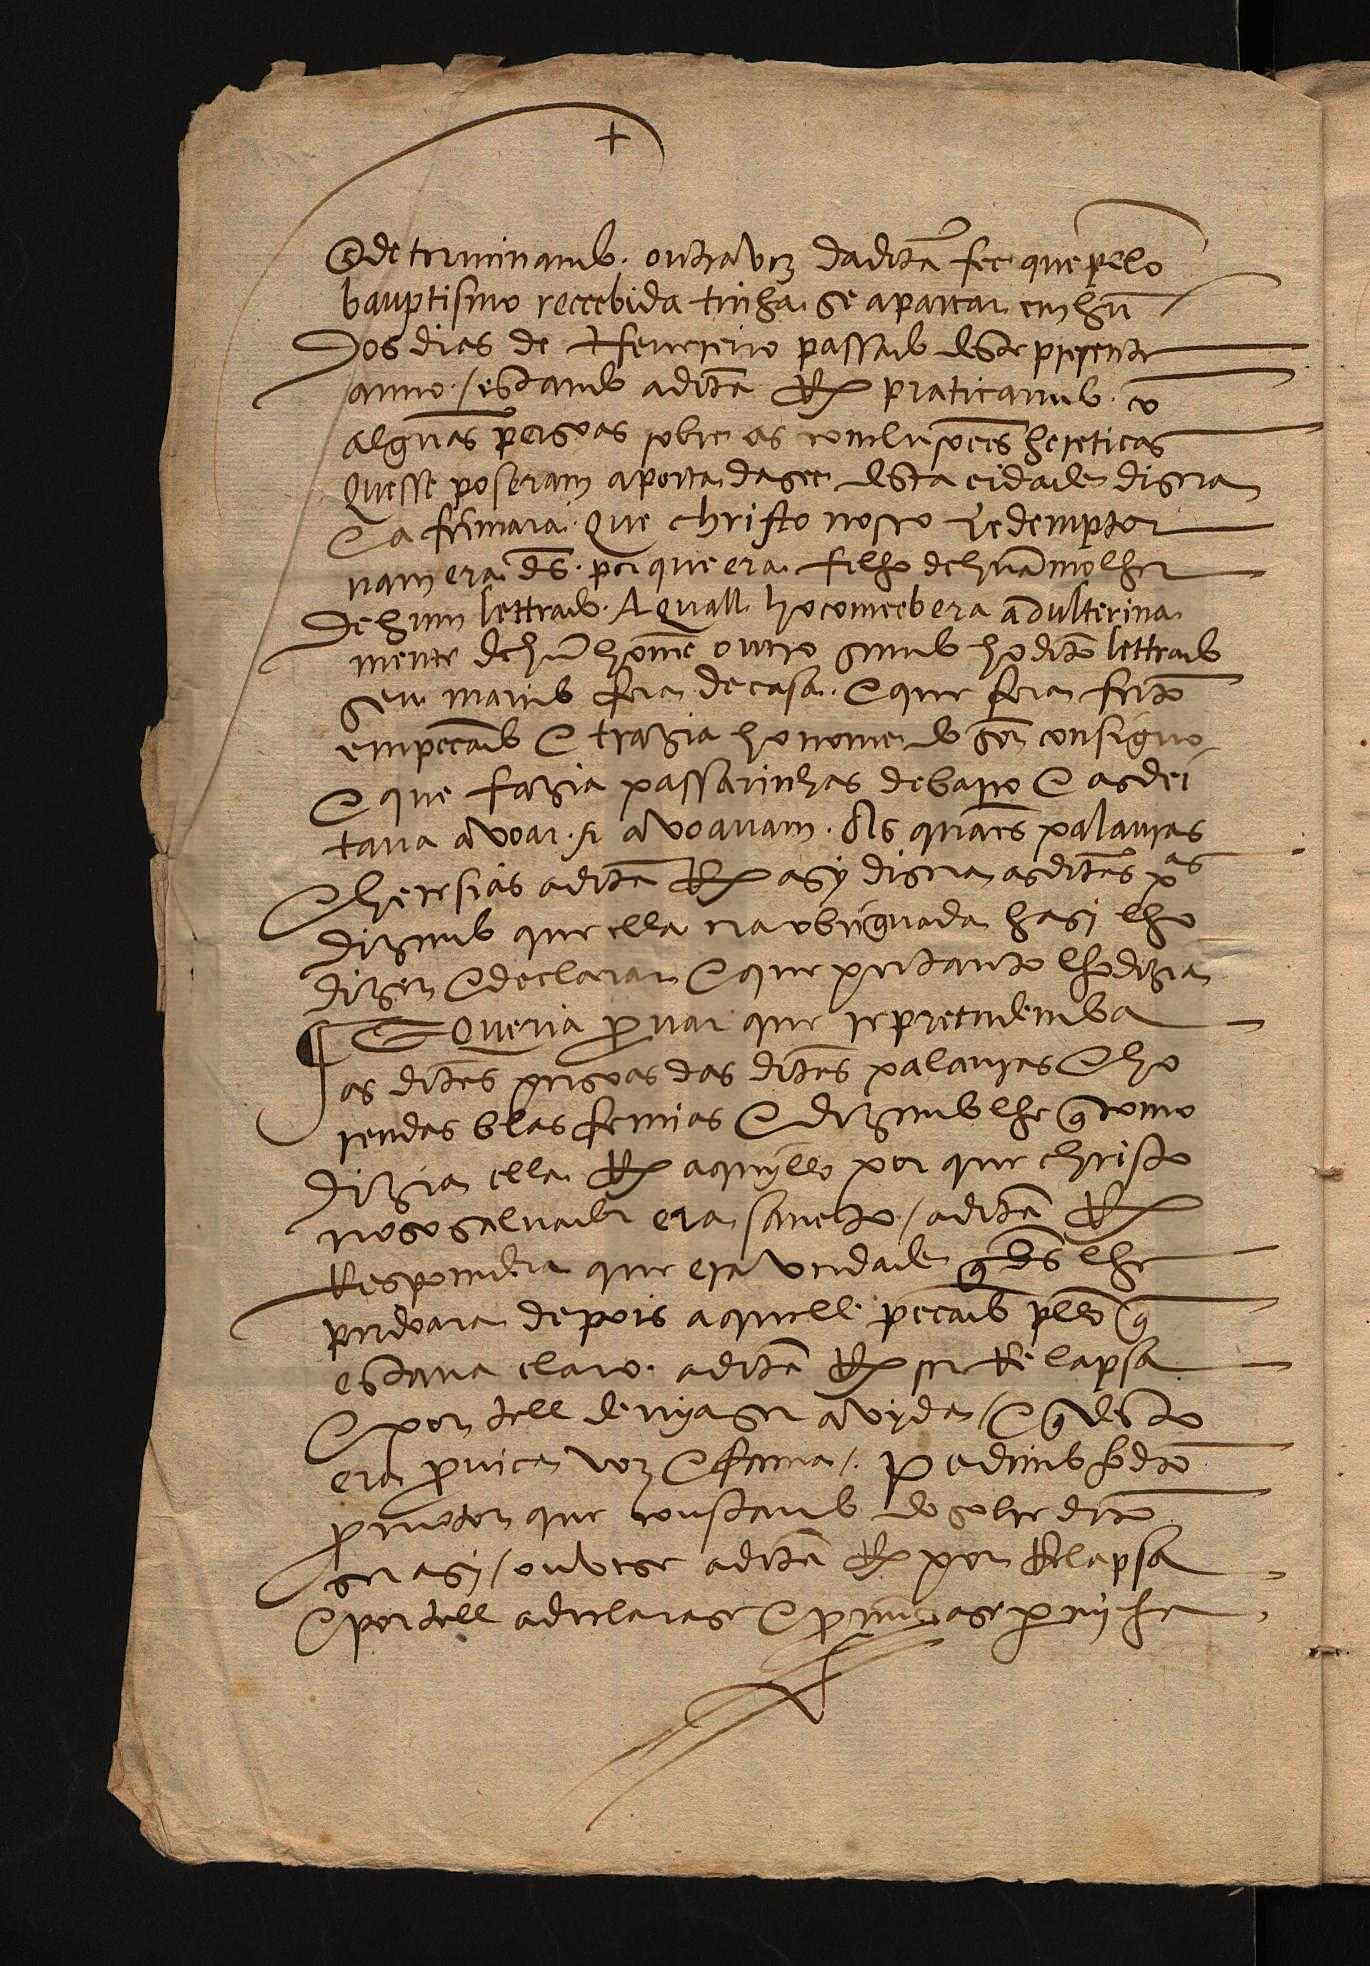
e determinando. outra vez da dita fee que p̄llo
bauptismo recebida tinha se apartar em hū
dos dias de feuereiro passado deste presente
anno ./ estando a dita Rꝭ praticamdo c̄o
alguās pessoas sobre as conclusõees hereticas
Que sse poseram a porta da see desta cidade disera
e afirmara. Que christo nosso redemptor
nam era ds̄. porque era filho de huā molher
de hum lettrado. A quall ho comcebera adulterina
mente de hū homē outro semdo ho dito lettrado
seu marido fora de casa. e que fora feito
em pec̄ado e trazia ho nome do s̄or consiguo
e que fazia passarinhas de barro e as dei
taua a voar . e avoauam. As quaes palauras
e heresias a dita Rꝭ asy disera as ditas pas
dizendo que ella era obriguada hasy lho
dizer e declarar e que portanto lho dizia
¶ E Queria ꝓuar que repreendendoa
as ditas persoas das ditas palauras e ho
rendas blasfemias e dizemdo lhe q̄ como
dizia ella Rꝭ aquyllo porque christo
noso saluador era sancto / a dita Rꝭ
Respomdera que era verdade q̄ ds̄ lhe
perdoara depois aquelle pecādo pl̄lo q̄
estaua claro a dita Rꝭ ser Relapsa
e por tall deuya ser avyda / e q̄ desto
era ꝓuica voz e fama /. Pedindo ho dt̄o
ꝓmotor que constando do sobredito
ser asy / ouvese a dita Rꝭ por Relapsa
e por tall a declarase e ꝓnūciase ꝑ mjnha
